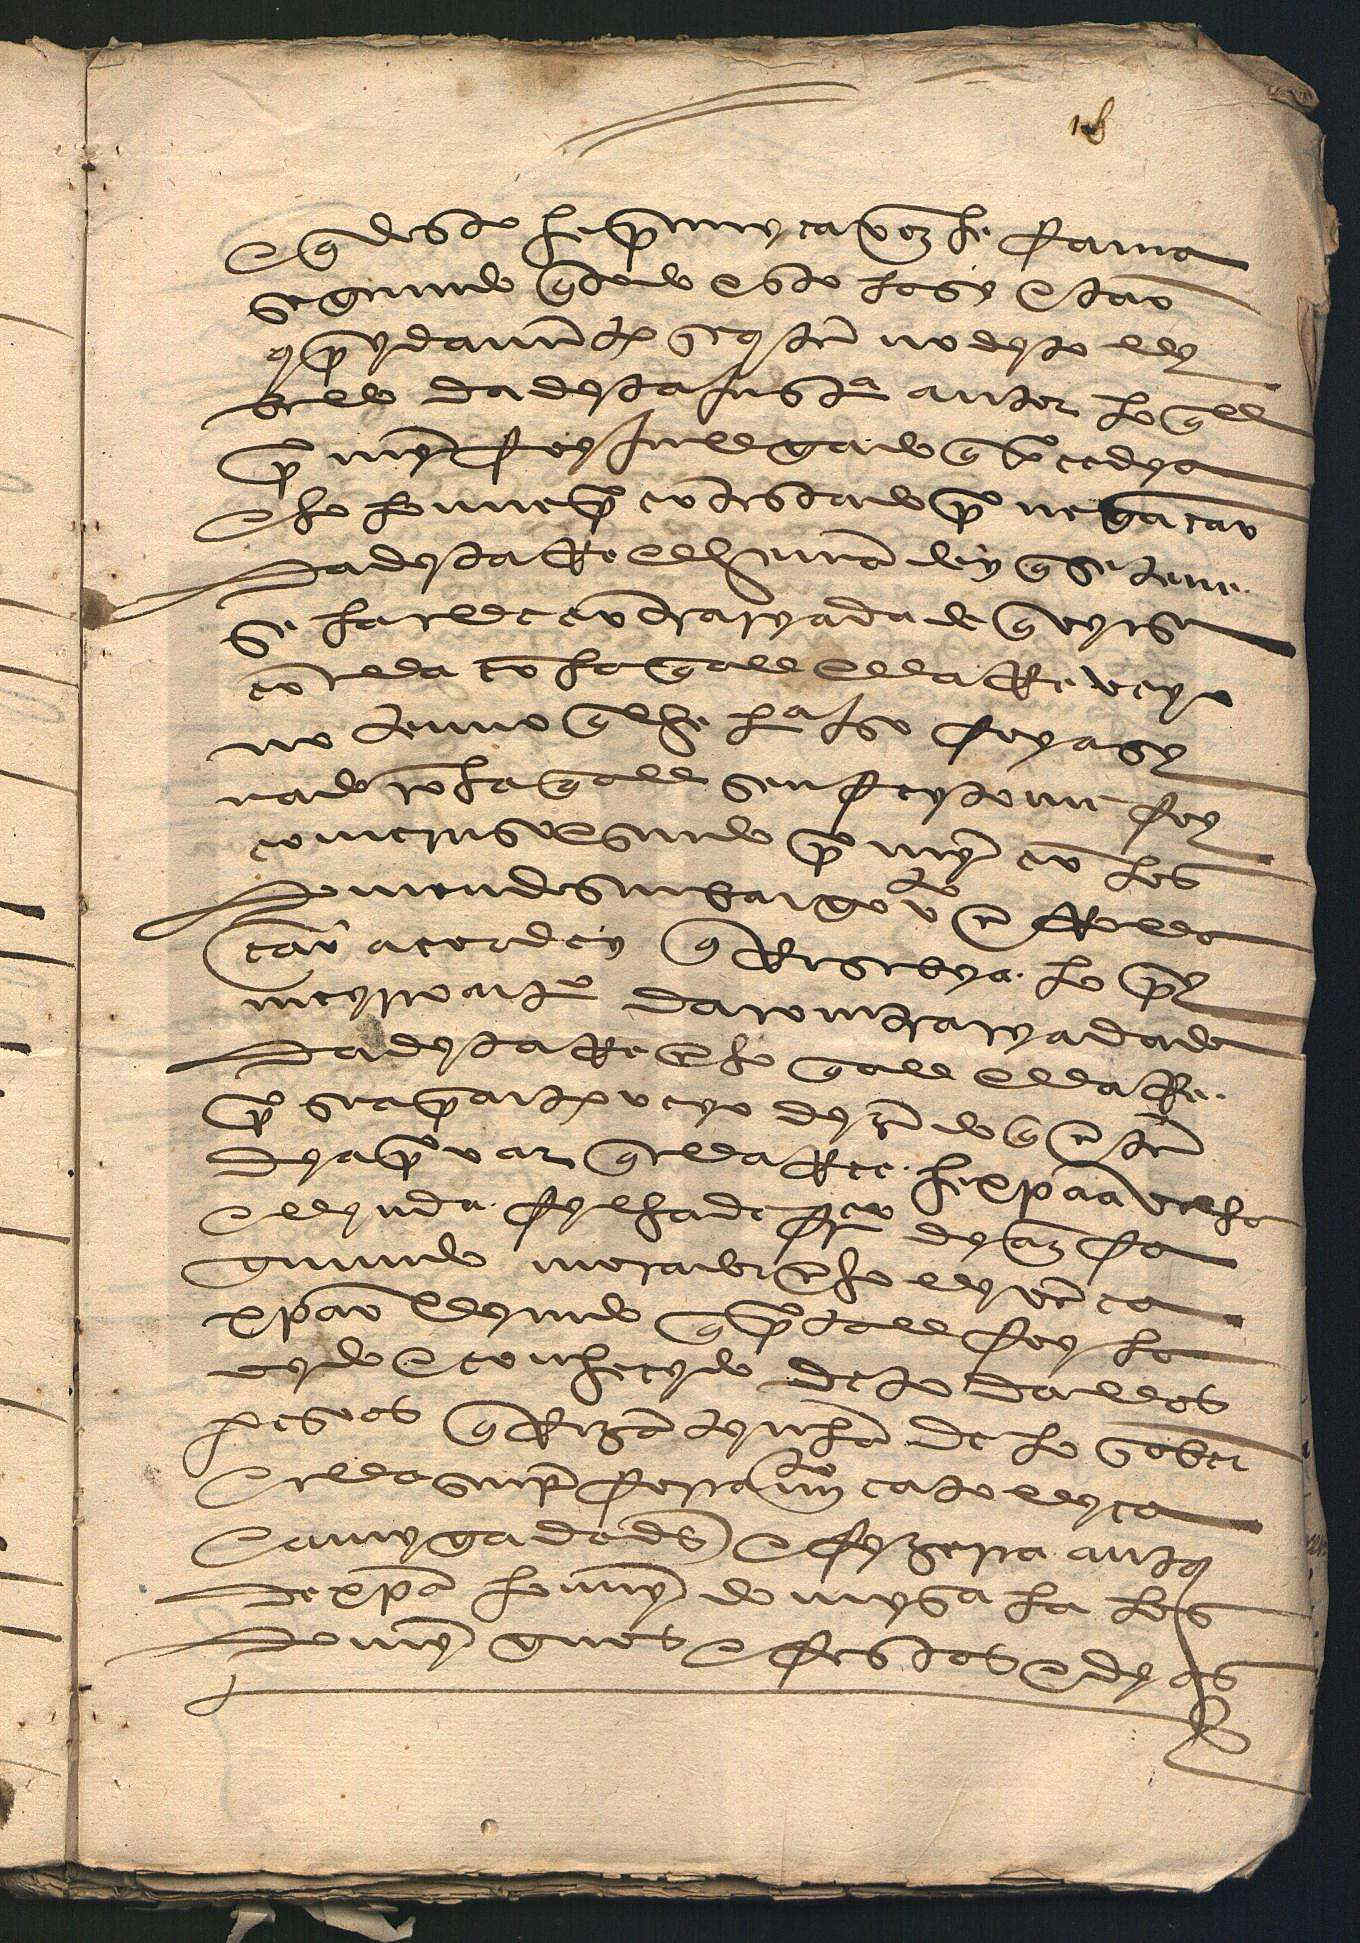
18
e q̄ desto he p̄uuyca voz he fama
segumdo q̄ todo esto hasy e tão
ꝯp̄ydamētꝭ se ꝯtē no dyto lly
bello da dyta Justa autor ho q̄ll
p̄o mȳ foy Jullgado q̄ p̄ocedya
e ho houue p̄o cōtestado p̄o negação
da dyta Re e lhe mādey q̄ se teue
se ha elle cōtraryadade q̄ vyese
cō ella c̄o ha q̄all ella Re veyo
no termo q̄ lhe ꝑa Jso foy asy
nado c̄o ha q̄all seu feyto me foy
comcruso e sendo p̄o mȳ cō hos
do meu desembargo vto ē Rolla
ção acordey q̄ Resebya ho p̄y
meyrro arto da comtraryadade
da dyta Re ē ho q̄all ella Re
p̄o sua p̄artꝭ veyo dyzēdo q̄ ētē
dya p̄ovar q̄ ella Ree he xpāa velha
e llynda fylha de frco dyaz fa
gumdo morador ē hollyvēca
xpão llymdo q̄ p̄o tall foy ha
vydo e conhecydo de todallas
pesoas q̄ Reezā tynhā de ho saber
e ella senp̄ forra mto catollyca
e amyga de d̄s e fyzerra autꝯ
de xpā houuȳdo mysa hahos
domȳguos e festas e dyas
